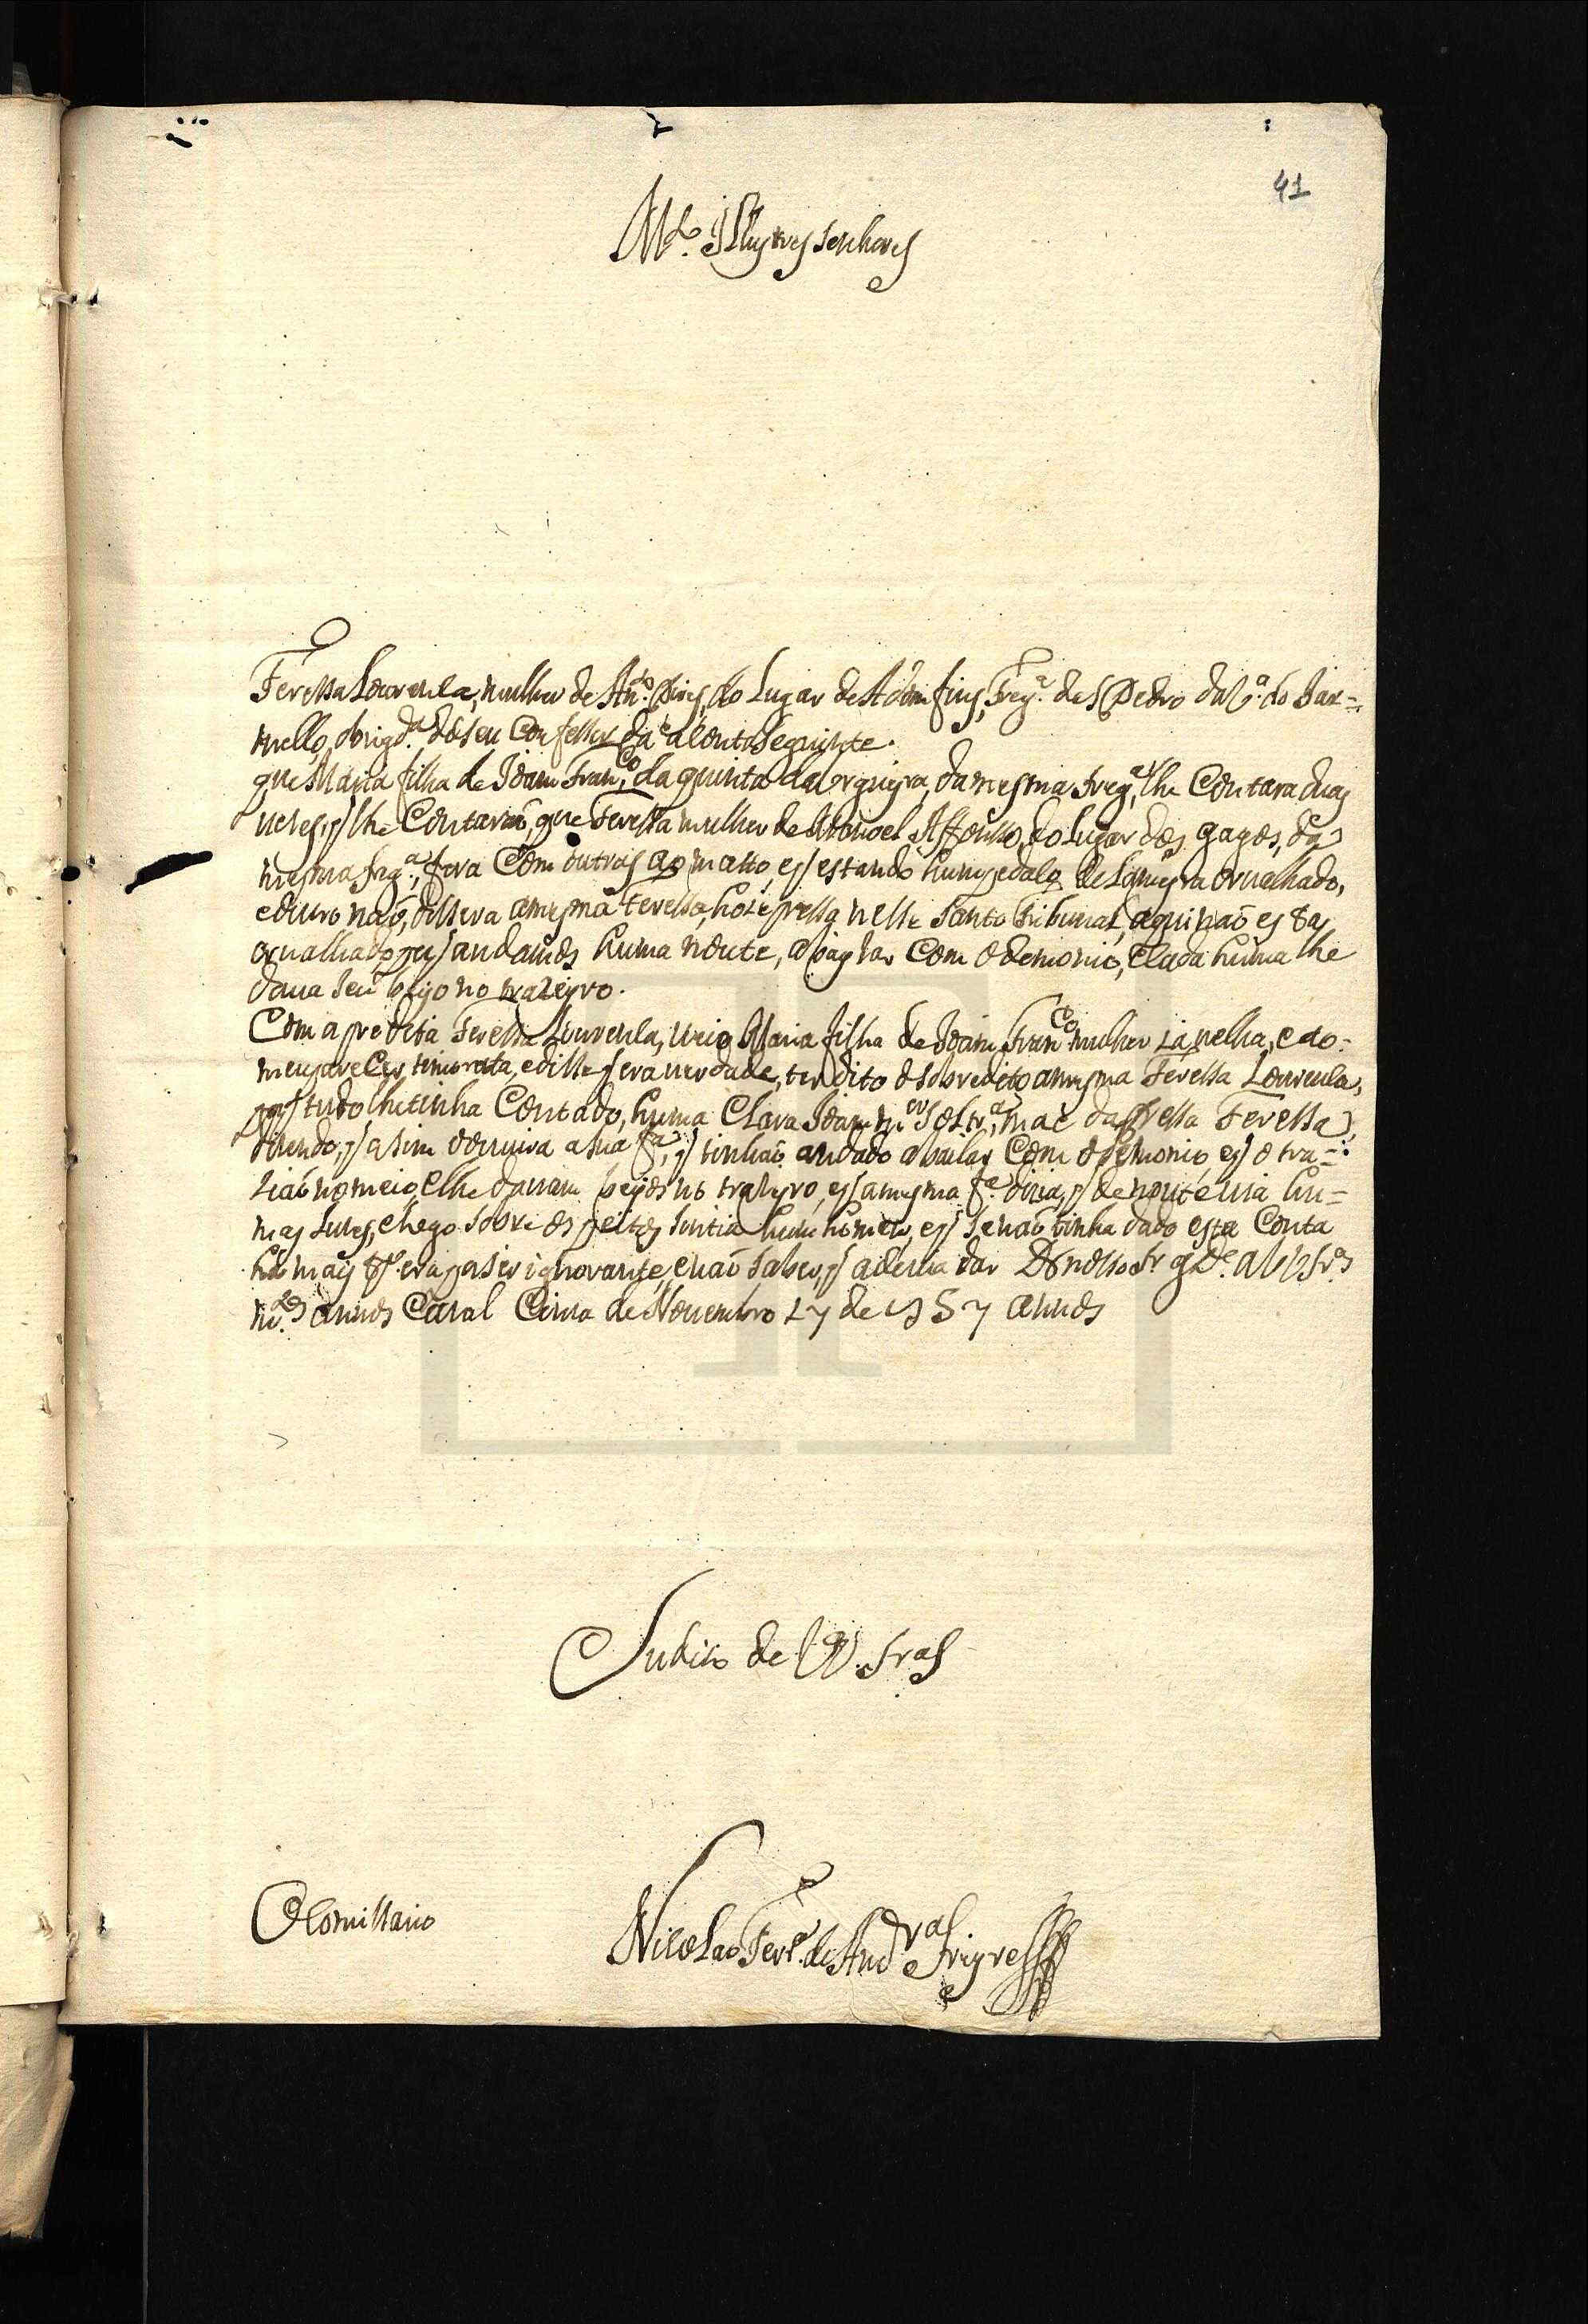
M.to Illustres senhores
Feressa Lourenca, mulher de An.to Pires, do Lugar de Adomfins, Freg.a de S Pedro da V.a do Iar
mello, obrigd.a do seu Confessor da a conta seguinte.
que Maria filha de Ioam Fran,co da quinta da Urguejra, da mesma Freg,a lhe Contara duas
uezes, q̄ lhe Contaraõ, que Feressa mulher de Manoel Affonsso do Lugar dos gagos, da
mesma freg.a, fora Com outras ao matto, e q̄ estando hum pedaÇo de Lamejra orualhado,
e outro naõ, dissera a mesma Feressa, hoie pressa nesse Santo Tribunal, aqui naõ esta
orualhado, porq̄ andamos huma noute, a baylar Com o demonio, E Cada huma lhe
daua seu beijo no trazeyro.
Com a predita Feressa LourenCa, ueio Maria, filha de Ioam Franco. mulher ia uelha, e ao
meu pareCer timorata, e disse q̄ era uerdade, ter dito o sobredito a mesma Feressa Lourenca,
porq̄ tudo lhe tinha Contado, huma Clara Ioam mer soltr,a mae da pressa Feressa,
dizendo, q̄ asim o ouuira a sua fa, q̄ tinhaõ andado a bailar Com o Demonio, e q̄ o tra
ziaõ no meio e lhe dauam beijos no trasejro, e q̄ a mesma f.a dizia, q̄ de noute uia hu
mas Luses, e Logo sobre os peitos sentia hum homem, e q̄ se naõ tinha dado esta Conta
ha mais tpo. era por ser ignorante e naõ saber, q̄ a deuia dar Ds nosso S.r gd.e a VV Sr.as
m.tos annos Casal Cinza de Nouembro 17 de 1757 annos
Sudito de VV S.ras
O Comissario
